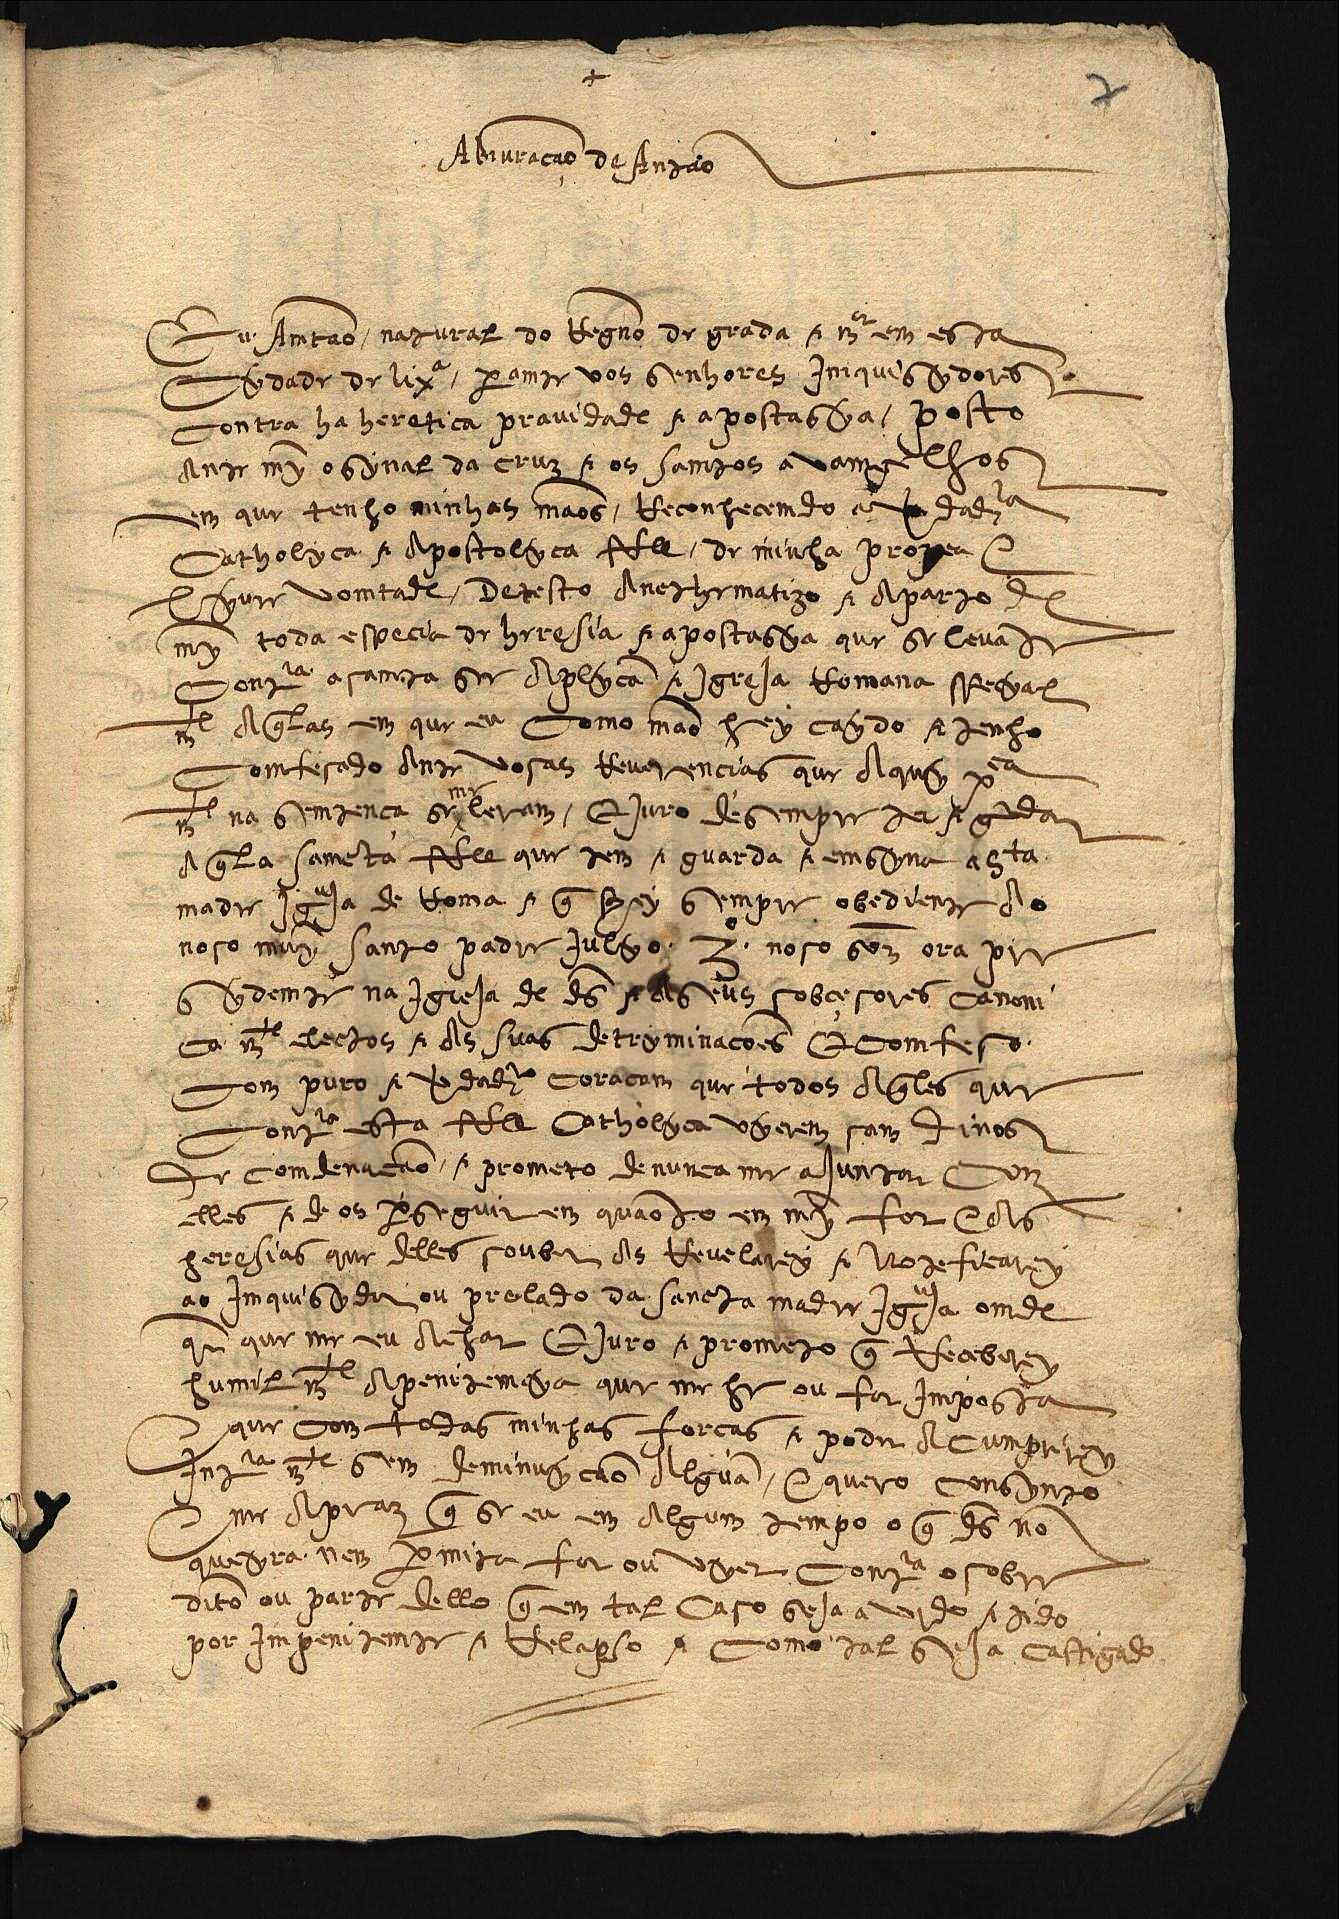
Abiuração de Antão
Eu Amtão / natural do Regno de grada e mor em esta
Cydade de lixa / ꝑamte vos senhores Jmquisydores
Contra ha heretica prauidade e apostasya / posto
Ante mȳ o synal da cruz e os Samtos avamgelhos
em que tenho minhas mãos / Reconhecemdo a ꝟdadira
Catholyca e Apostolyca ffee / de minha propea e
lyure vomtade / Detesto Anethematizo e Aparto de
m̄y toda especia de heresia e apostasya que se leuāte
Contra a samta see Aplyc̄a e JgreJa Romana specyaL
mte Aq̄Las em que eu Como mão hey caydo e tenho
Comfesado Ante vosas Reuerencias que Aquy pca
mte na semtença se me leram / E Juro de sempre ter e ḡrdar
Aq̄la Samcta ffee que tem e guarda e emsyna a Sta
madre JḡJa de Roma e q̄ ꞩey sempre obediente Ao
noso muȳ Santo padre Julyo. 3º. noso s̄or ora pre
sydemte na JgreJa de ds̄ e A seus sobcesores canoni
camte electos e As Suas detryminações E comfeso
Com puro e ꝟdadiro coraçam que todos Aq̄les que
Contra esta ffee Catholyca vyerem sam dinos
de comdenação / e prometo de nunca me aJuntar Com
elles e de os ꝑseguir emquãoto em mȳ for e As
heresias que delles souber as Reuelarey e Noteficarey
ao Jmquisydor ou prelado da Sancta madre JḡJa omde
q̄r que me eu Achar E Juro e prometo q̄ Receberey
humiLmte A penitemcya que me he ou for Jmposta
e que com todas minhas forças e poder A cumprirey
Jntramte sem deminuyção Alguā / e quero consynto
e me Apraz q̄ se eu em Algum tempo o q̄ ds̄ nō
queyra nem ꝑmita for ou vyer Contra o sobre
dīto ou parte dello q̄ em taL Caso seja avjdo e tido
por Jmpenitemte e Relapso e Como tal seJa castigado
